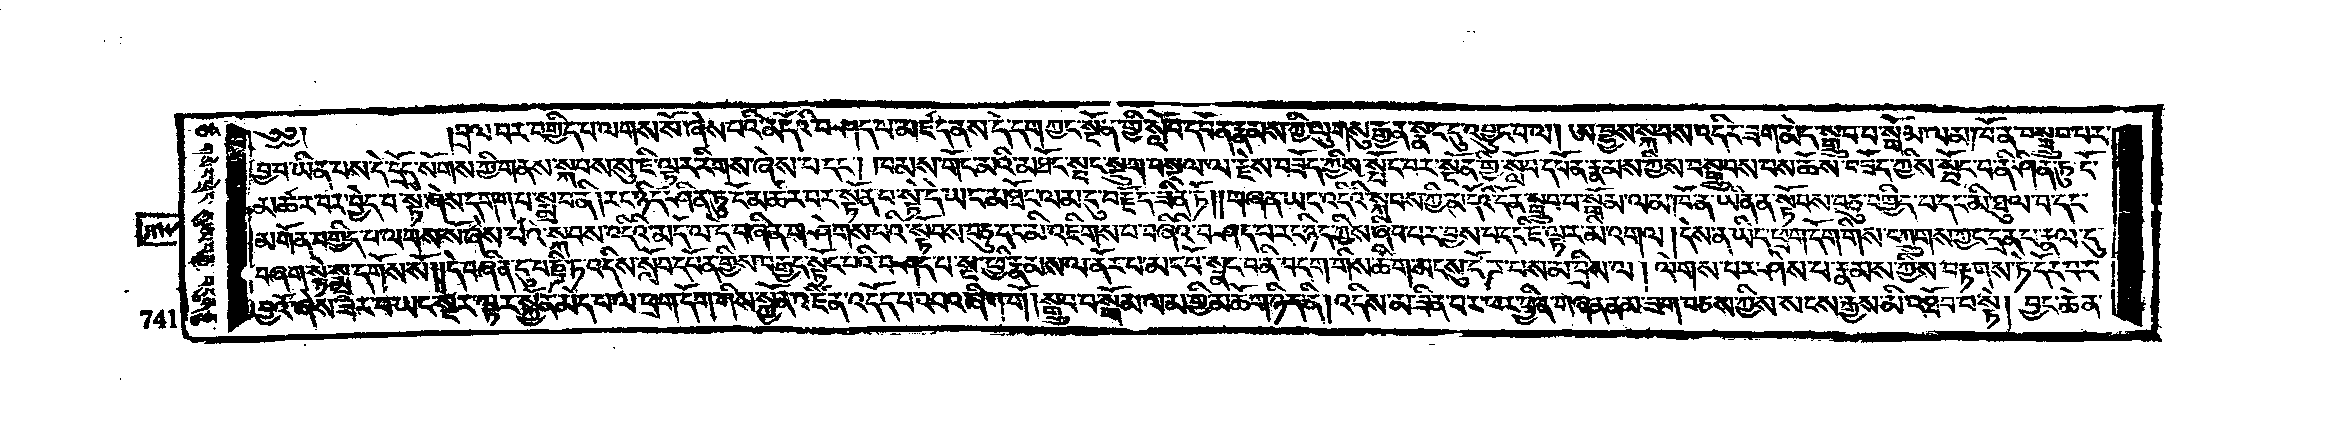༄༅། །བྲལ་བར་བགྱིད་པ་ལགས་སོ་ཞེས་པའི་མདོའི་བཤད་པ་མཛད་ནས་དེ་དག་ཀྱང་སྔོན་གྱི་སློབ་དཔོན་རྣམས་ཀྱི་ལུགས་སུ་རྒྱན་སྣང་དུ་འབྱུང་བ་ལ། ཨ་བྷྱས་སྐབས་འདིར་ཟག་མེད་སྒྲུབ་པ་སྒོམ་ལམ་ཁོ་ན་བསྒྲུབ་པར་
བྱ་བ་ཡིན་པས་དེ་དྲོད་སོགས་ཀྱི་གནས་སྐབས་སུ་ཇི་ལྟར་རིགས་ཞེས་པ་དང་། ཁམས་གོང་མའི་མཐོང་སྤང་སྡུག་བསྔལ་ལ་རྗེས་བཟོད་ཀྱིས་སྤོང་བར་སྔོན་གྱི་སློབ་དཔོན་རྣམས་ཀྱིས་བསྒྲུབས་པས་ཆོས་བཟོད་ཀྱིས་སྤོང་བ་ནི་ཤིན་ཏུ་ངོ་
མཚར་བར་བྱེད་པ་སྟེ་ཞེས་དགག་པ་སྨྲ་བ་ནི། རང་ཉིད་ཤིན་ཏུ་ངོ་མཚར་བར་སྟོན་པ་སྟེ་དེ་ཡང་མཐོང་ལམ་དུ་བརྗོད་ཟིན་ཏོ། །གཞན་ཡང་འདིའི་སྐབས་ཀྱི་མདོའི་དོན་སྒྲུབ་པ་སྒོམ་ལམ་ཁོ་ན་ཡིན་ན་སྟོབས་བཅུ་བགྱིད་པ་དང་མི་ཐུལ་བ་དང་
མགོན་བགྱིད་པ་ལགས་སོ་ཞེས་པའི་སྐབས་འདིའི་མདོ་ལ་དེ་བཞིན་གཤེགས་པའི་སྟོབས་བཅུ་དང་མི་འཇིགས་པ་བཞིའི་བཤད་པ་རང་ཉིད་ཀྱིས་ཞིབ་པར་བྱས་པ་དང་ཇི་ལྟར་མི་འགལ། དེས་ན་ཡིད་ཕྲག་དོག་གིས་དཀྲུགས་ཀྱང་དྲན་པ་རྣལ་དུ་
བཞག་སྟེ་སྨྲ་དགོས་སོ། །དེ་བཞིན་དུ་པཎྜི་ཏ་འདིས་སློབ་དཔོན་གྱིས་བརྒྱད་སྟོང་པའི་བཤད་པ་སྔ་ཕྱི་རྣམས་ལ་ནོར་བ་མང་པོ་སྣང་བ་ནི་བདག་གིས་ཚིག་མང་སུ་དོགས་པས་མ་བྲིས་ལ། ལེགས་པར་ཤེས་པ་རྣམས་ཀྱིས་བརྟགས་ཏེ་དོར་བར་
བྱའོ་ཞེས་ཟེར་བ་ཡང་སྔར་ལྟར་སྐྱོན་མེད་པ་ལ་ཕྲག་དོག་གིས་སྐྱོན་འཛིན་འདོད་པ་འབའ་ཞིག་གོ །སྒྲུབ་པ་སྒོམ་ལམ་གྱི་མཆོག་ཉིད་ནི། འདིས་མ་ཟིན་པར་ཕར་ཕྱིན་གཞན་ནམ་ཟག་བཅས་ཀྱིས་སངས་རྒྱས་མི་འཐོབ་པ་སྟེ། བྱང་ཆེན་